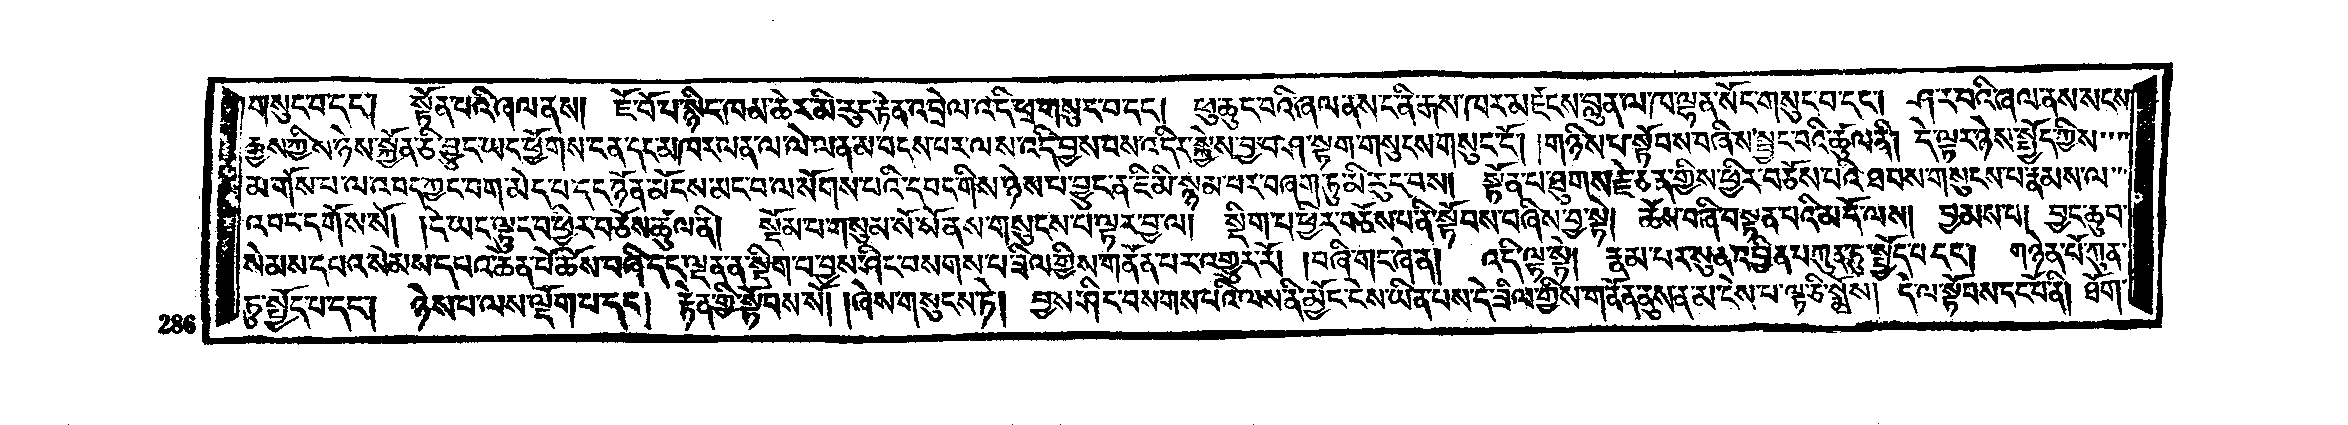གསུང་བ་དང་། སྟོན་པའི་ཞལ་ནས། ཇོ་བོ་པ་སྙིང་ཁམ་ཆེར་མི་རུང་རྟེན་འབྲེལ་འདི་ཕྲ་གསུང་བ་དང་། ཕུ་ཆུང་བའི་ཞལ་ནས་ང་ནི་རྒས་ཁར་མཛངས་བླུན་ལ་ཁ་ལྷན་སོང་གསུང་བ་དང་། ཤར་བའི་ཞལ་ནས་སངས་
རྒྱས་ཀྱིས་ཉེས་སྐྱོན་ཅི་བྱུང་ཡང་ཕྱོགས་ངན་དང་མཁར་ལན་ལ་ལེ་ལན་མ་བདས་པར་ལས་འདི་བྱས་པས་འདིར་སྐྱེས་བྱ་བ་ཤ་སྟག་གསུངས་གསུང་ངོ། །གཉིས་པ་སྟོབས་བཞིས་སྦྱང་བའི་ཚུལ་ནི། དེ་ལྟར་ཉེས་སྤྱོད་ཀྱིས་
མ་གོས་པ་ལ་འབད་ཀྱང་བག་མེད་པ་དང་ཉོན་མོངས་མང་བ་ལ་སོགས་པའི་དབང་གིས་ཉེས་པ་བྱུང་ན་ཇི་མི་སྙམ་པར་བཞག་ཏུ་མི་རུང་བས། སྟོན་པ་ཐུགས་རྗེ་ཅན་གྱིས་ཕྱིར་བཅོས་པའི་ཐབས་གསུངས་པ་རྣམས་ལ་
འབད་དགོས་སོ། །དེ་ཡང་ལྟུང་བ་ཕྱིར་བཅོས་ཚུལ་ནི། སྡོམ་པ་གསུམ་སོ་སོ་ནས་གསུངས་པ་ལྟར་བྱ་ལ། སྡིག་པ་ཕྱིར་བཅོས་པ་ནི་སྟོབས་བཞིས་བྱ་སྟེ། ཆོས་བཞི་བསྟན་པའི་མདོ་ལས། བྱམས་པ། བྱང་ཆུབ་
སེམས་དཔའ་སེམས་དཔའ་ཆེན་པོ་ཆོས་བཞི་དང་ལྡན་ན་སྡིག་པ་བྱས་ཤིང་བསགས་པ་ཟིལ་གྱིས་གནོན་པར་འགྱུར་རོ། །བཞི་གང་ཞེ་ན། འདི་ལྟ་སྟེ། རྣམ་པར་སུ་ན་འབྱིན་པ་ཀུན་ཏུ་སྤྱོད་པ་དང་། གཉེན་པོ་ཀུན་
ཏུ་སྤྱོད་པ་དང་། ཉེས་པ་ལས་ལྡོག་པ་དང་། རྟེན་གྱི་སྟོབས་སོ། །ཞེས་གསུངས་ཏེ། བྱས་ཤིང་བསགས་པའི་ལས་ནི་མྱོང་ངེས་ཡིན་པས་དེ་ཟིལ་གྱིས་གནོན་ནུས་ན་མ་ངེས་པ་ལྟ་ཅི་སྨོས། དེ་ལ་སྟོབས་དང་པོ་ནི། ཐོག་